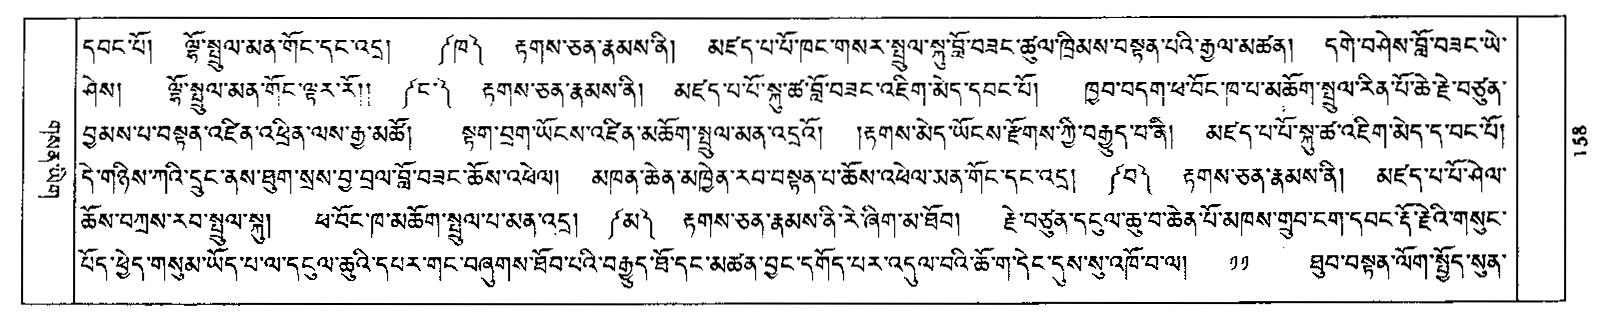དབང་པོ། ལྷོ་སྤྲུལ་མན་གོང་དང་འདྲ། ཁ྄་རྟགས་ཅན་རྣམས་ནི། མཛད་པ་པོ་ཁང་གསར་སྤྲུལ་སྐུ་བློ་བཟང་ཚུལ་ཁྲིམས་བསྟན་པའི་རྒྱལ་མཚན། དགེ་བཤེས་བློ་བཟང་ཡེ་
ཤེས། ལྷོ་སྤྲུལ་མན་གོང་ལྟར་རོ།། ང྄་རྟགས་ཅན་རྣམས་ནི། མཛད་པ་པོ་སྐུ་ཚ་བློ་བཟང་འཇིག་མེད་དབང་པོ། ཁྱབ་བདག་ཕ་བོང་ཁ་པ་མཆོག་སྤྲུལ་རིན་པོ་ཆེ་རྗེ་བཙུན་
བྱམས་པ་བསྟན་འཛིན་འཕྲིན་ལས་རྒྱ་མཚོ། སྟག་བྲག་ཡོངས་འཛིན་མཆོག་སྤྲུལ་མན་འདྲའོ། །རྟགས་མེད་ཡོངས་རྫོགས་ཀྱི་བརྒྱུད་པ་ནི། མཛད་པ་པོ་སྐུ་ཚ་འཇིག་མེད་ད་བང་པོ།
དེ་གཉིས་ཀའི་དྲུང་ནས་ཐུག་སྲས་བྱ་བྲལ་བློ་བཟང་ཆོས་འཕེལ། མཁན་ཆེན་མཁྱེན་རབ་བསྟན་པ་ཆོས་འཕེལ་མན་གོང་དང་འདྲ། བ྄་རྟགས་ཅན་རྣམས་ནི། མཛད་པ་པོ་ཤེལ་
ཆོས་བཀྲས་རབ་སྤྲུལ་སྐུ། ཕ་བོང་ཁ་མཆོག་སྤྲུལ་པ་མན་འདྲ། མ྄་རྟགས་ཅན་རྣམས་ནི་རེ་ཞིག་མ་ཐོབ། རྗེ་བཙུན་དངུལ་ཆུ་བ་ཆེན་པོ་མཁས་གྲུབ་ངག་དབང་རྡོ་རྗེའི་གསུང་
པོད་ཕྱེད་གསུམ་ཡོད་པ་ལ་དངུལ་ཆུའི་དཔར་གང་བཞུགས་ཐོབ་པའི་བརྒྱུད་ཐོ་དང་མཚན་བྱང་དགོད་པར་འདུལ་བའི་ཆོ་ག་དེང་དུས་སུ་འཁོ་བ་ལ། ༡༡་ཐུབ་བསྟན་ལོག་སྤྱོད་སུན་